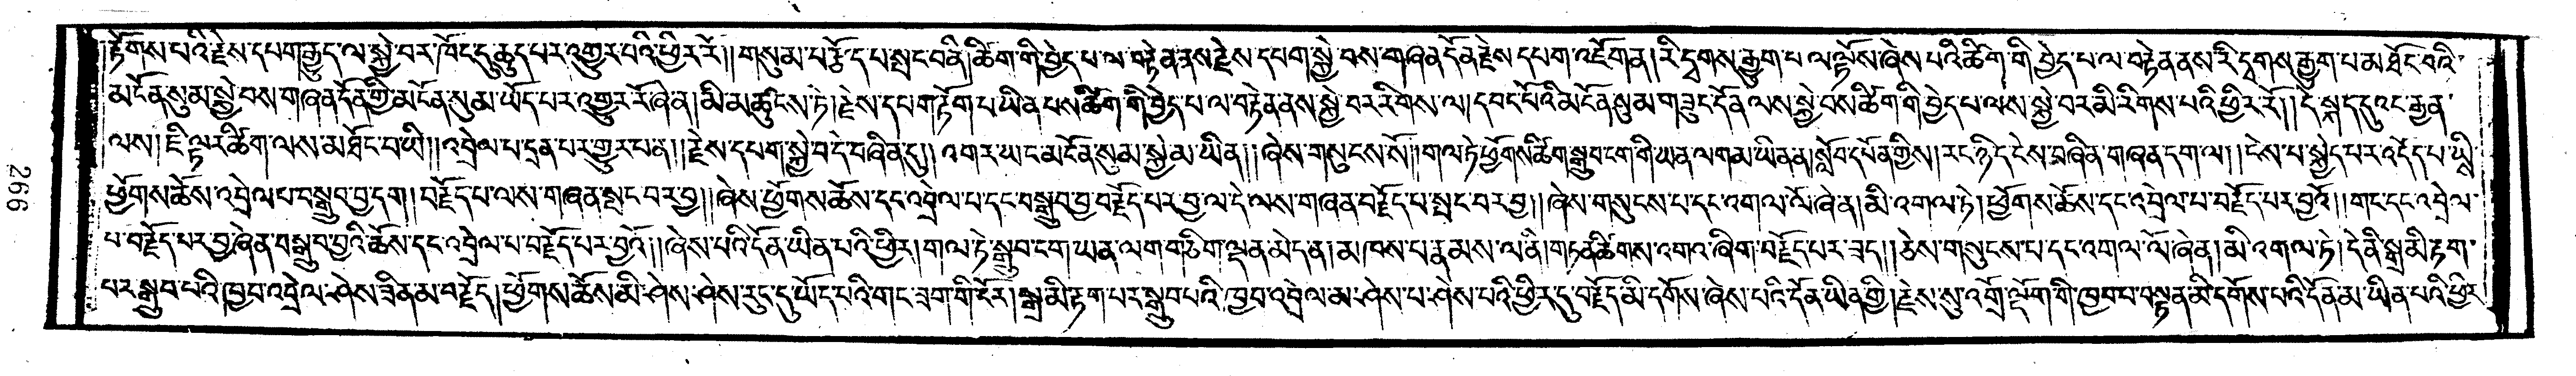རྟོགས་པའི་རྗེས་དཔག་རྒྱུད་ལ་སྐྱེ་བར་ཁོང་དུ་ཆུད་པར་འགྱུར་བའི་ཕྱིར་རོ། །གསུམ་པ་རྩོད་པ་སྤང་བ་ནི། ཚིག་གི་བྱེད་པ་ལ་བརྟེན་ནས་རྗེས་དཔག་སྐྱེ་བས་གཞན་དོན་རྗེས་དཔག་འཇོག་ན། རི་དྭགས་རྒྱུག་པ་ལ་ལྟོས་ཞེས་པའི་ཚིག་གི་བྱེད་པ་ལ་བརྟེན་ནས་རི་དྭགས་རྒྱུག་པ་མཐོང་བའི་
མངོན་སུམ་སྐྱེ་བས་གཞན་དོན་གྱི་མངོན་སུམ་ཡོད་པར་འགྱུར་རོ་ཞེ་ན། མི་མཚུངས་ཏེ། རྗེས་དཔག་རྟོག་པ་ཡིན་པས་ཚིག་གི་བྱེད་པ་ལ་བརྟེན་ནས་སྐྱེ་བར་རིགས་ལ། དབང་པོའི་མངོན་སུམ་གཟུང་དོན་ལས་སྐྱེ་བས་ཚིག་གི་བྱེད་པ་ལས་སྐྱེ་བར་མི་རིགས་པའི་ཕྱིར་རོ། །དེ་སྐད་དུའང་རྒྱན་
ལས། ཇི་ལྟར་ཚིག་ལས་མཐོང་བ་ཡི། །འབྲེལ་པ་དྲན་པར་གྱུར་པ་ན། །རྗེས་དཔག་སྐྱེ་བ་དེ་བཞིན་དུ། །འགར་ཡང་མངོན་སུམ་སྐྱེ་མ་ཡིན། །ཞེས་གསུངས་སོ། །གལ་ཏེ་ཕྱོགས་ཚིག་སྒྲུབ་ངག་གི་ཡན་ལག་མ་ཡིན་ན། སློབ་དཔོན་གྱིས། རང་ཉིད་ངེས་བཞིན་གཞན་དག་ལ། །ངེས་པ་སྐྱེད་པར་འདོད་པ་ཡིས།
ཕྱོགས་ཆོས་འབྲེལ་པ་བསྒྲུབ་བྱ་དག །བརྗོད་པ་ལས་གཞན་སྤང་བར་བྱ། །ཞེས་ཕྱོགས་ཆོས་དང་འབྲེལ་པ་དང་བསྒྲུབ་བྱ་བརྗོད་པར་བྱ་ལ་དེ་ལས་གཞན་བརྗོད་པ་སྤང་བར་བྱ། །ཞེས་གསུངས་པ་དང་འགལ་ལོ་ཞེ་ན། མི་འགལ་ཏེ། ཕྱོགས་ཆོས་དང་འབྲེལ་པ་བརྗོད་པར་བྱའོ། །གང་དང་འབྲེལ་
པ་བརྗོད་པར་བྱ་ཞེ་ན་བསྒྲུབ་བྱའི་ཆོས་དང་འབྲེལ་པ་བརྗོད་པར་བྱའོ། །ཞེས་པའི་དོན་ཡིན་པའི་ཕྱིར། གལ་ཏེ་སྒྲུབ་ངག་ཡན་ལག་གཅིག་ལྡན་མེད་ན། མཁས་པ་རྣམས་ལ་ནི། གཏན་ཚིགས་འབའ་ཞིག་བརྗོད་པར་ཟད། །ཅེས་གསུངས་པ་དང་འགལ་ལོ་ཞེ་ན། མི་འགལ་ཏེ། དེ་ནི་སྒྲ་མི་རྟག་
པར་སྒྲུབ་པའི་ཁྱབ་འབྲེལ་ཤེས་ཟིན་མ་བརྗེད། ཕྱོགས་ཆོས་མི་ཤེས་ཤེས་རུང་དུ་ཡོད་པའི་གང་ཟག་གི་ངོར། སྒྲ་མི་རྟག་པར་སྒྲུབ་པའི་ཁྱབ་འབྲེལ་མ་ཤེས་པ་ཤེས་པའི་ཕྱིར་དུ་བརྗོད་མི་དགོས་ཞེས་པའི་དོན་ཡིན་གྱི། རྗེས་སུ་འགྲོ་ལྡོག་གི་ཁྱབ་པ་བསྟན་མི་དགོས་པའི་དོན་མ་ཡིན་པའི་ཕྱིར་